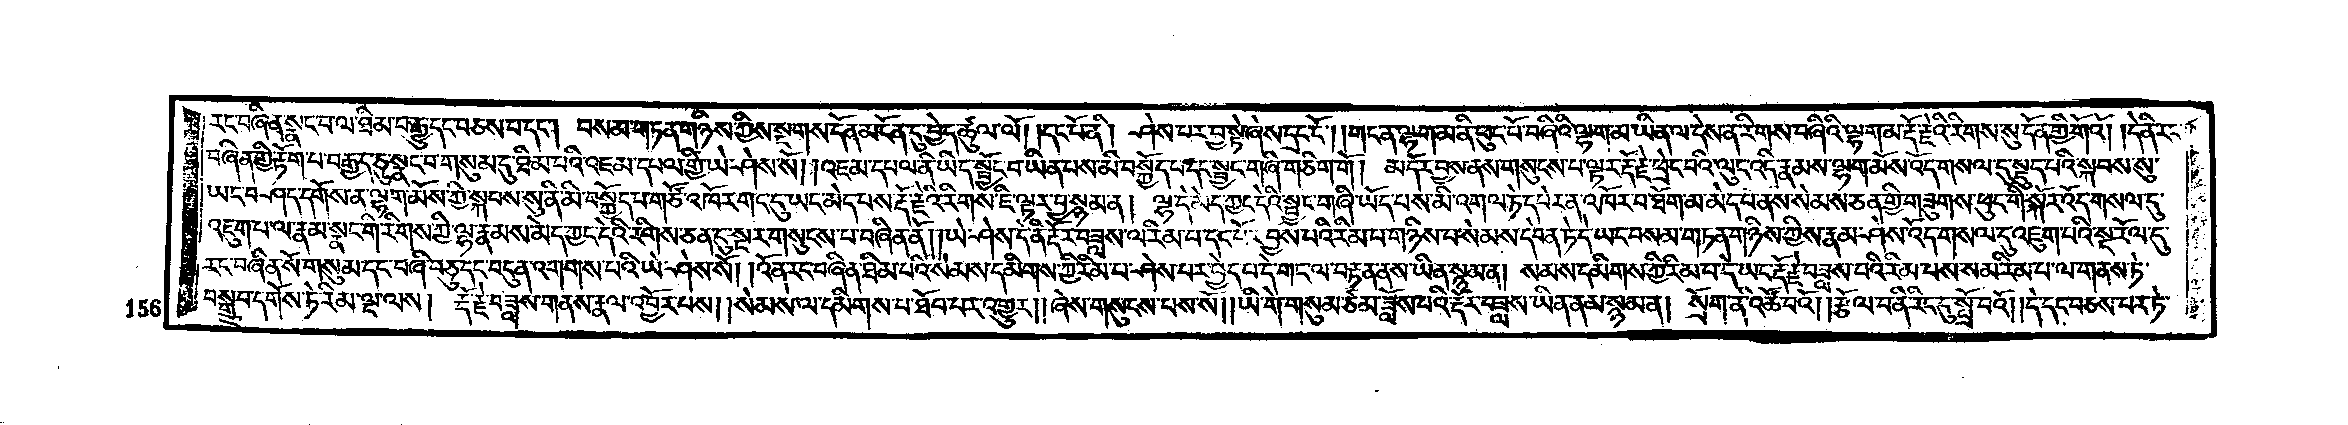རང་བཞིན་སྣང་བ་ལ་ཐིམ་པ་རྒྱུ་དང་བཅས་པ་དང་། བསམ་གཏན་གཉིས་ཀྱིས་སྔགས་དོན་མངོན་དུ་བྱེད་ཚུལ་ལོ། །དང་པོ་ནི། ཤེས་པར་བྱ་སྟེ་ཞེས་དྲང་ངོ། །གང་ན་ལྷག་མ་ནི་ཕུང་པོ་བཞིའི་ལྷག་མ་ཡིན་ལ་དེས་ན་རིགས་བཞིའི་ལྷག་མ་རྡོ་རྗེའི་རིགས་སུ་དོན་གྱི་གོའོ། །དེ་ནི་རང་
བཞིན་གྱི་རྟོག་པ་བརྒྱད་ཅུ་སྣང་བ་གསུམ་དུ་ཐིམ་པའི་འཇམ་དཔལ་གྱི་ཡེ་ཤེས་སོ། །འཇམ་དཔལ་ནི་ཡིད་སྦྱོང་བ་ཡིན་པས་མི་བསྐྱོད་པ་དང་སྦྱང་གཞི་གཅིག་གོ། མདོར་བྱས་ནས་གསུངས་པ་ལྟར་རྡོ་རྗེ་ཕྲེང་བའི་ལུང་འདི་རྣམས་ལྷག་མོས་འོད་གསལ་དུ་སྡུད་པའི་སྐབས་སུ་
ཡང་བཤད་དགོས་ན་ལྷག་མོས་ཀྱི་སྐབས་སུ་ནི་མི་བསྐྱོད་པ་གཙོ་འཁོར་གང་དུ་ཡང་མེད་པས་རྡོ་རྗེའི་རིགས་ཇི་ལྟར་བྱ་སྙམ་ན། ལྷ་དེ་མེད་ཀྱང་དེའི་སྦྱང་གཞི་ཡོད་པས་མི་འགལ་ཏེ་དཔེར་ན་འཁོར་བ་ཐོག་མ་མེད་པ་ནས་སེམས་ཅན་གྱི་གཟུགས་ཕུང་གི་སྐོར་འོད་གསལ་དུ་
འཇུག་པ་ལ་རྣམ་སྣང་གི་རིགས་ཀྱི་ལྷ་རྣམས་མེད་ཀྱང་དེའི་རིགས་ཅན་དུ་སྔར་གསུངས་པ་བཞིན་ནོ། །ཡེ་ཤེས་དེ་ནི་རྡོར་བཟླས་ལ་རིམ་པ་དང་པོར་བྱས་པའི་རིམ་པ་གཉིས་པ་སེམས་དབེན་ཏེ་དེ་ཡང་བསམ་གཏན་གཉིས་ཀྱིས་རྣམ་ཤེས་འོད་གསལ་དུ་འཇུག་པའི་སྔ་རོལ་དུ་
རང་བཞིན་སོ་གསུམ་དང་བཞི་བཅུ་དང་བདུན་འགགས་པའི་ཡེ་ཤེས་སོ། །འོ་ན་རང་བཞིན་ཐིམ་པའི་སེམས་དམིགས་ཀྱི་རིམ་པ་ཤེས་པར་བྱེད་པ་དེ་གང་ལ་བརྟན་ནས་ཡིན་སྙམ་ན། སེམས་དམིགས་ཀྱི་རིམ་པ་དེ་ཡང་རྡོ་རྗེ་བཟླས་པའི་རིམ་པས་སམ་རིམ་པ་ལ་གནས་ཏེ་
བསྒྲུབ་དགོས་ཏེ་རིམ་ལྔ་ལས། རྡོ་རྗེ་བཟླས་གནས་རྣལ་འབྱོར་པས། །སེམས་ལ་དམིགས་པ་ཐོབ་པར་འགྱུར། །ཞེས་གསུངས་པས་སོ། །ཡི་གེ་གསུམ་ཙམ་ཟློས་པའི་རྡོར་བཟླས་ཡིན་ནམ་སྙམ་ན། སྲོག་ནི་འཚོ་བའོ། །རྩོལ་བ་ནི་རིང་དུ་སྤྲོ་བའོ། །དེ་དང་བཅས་པར་ཏེ་